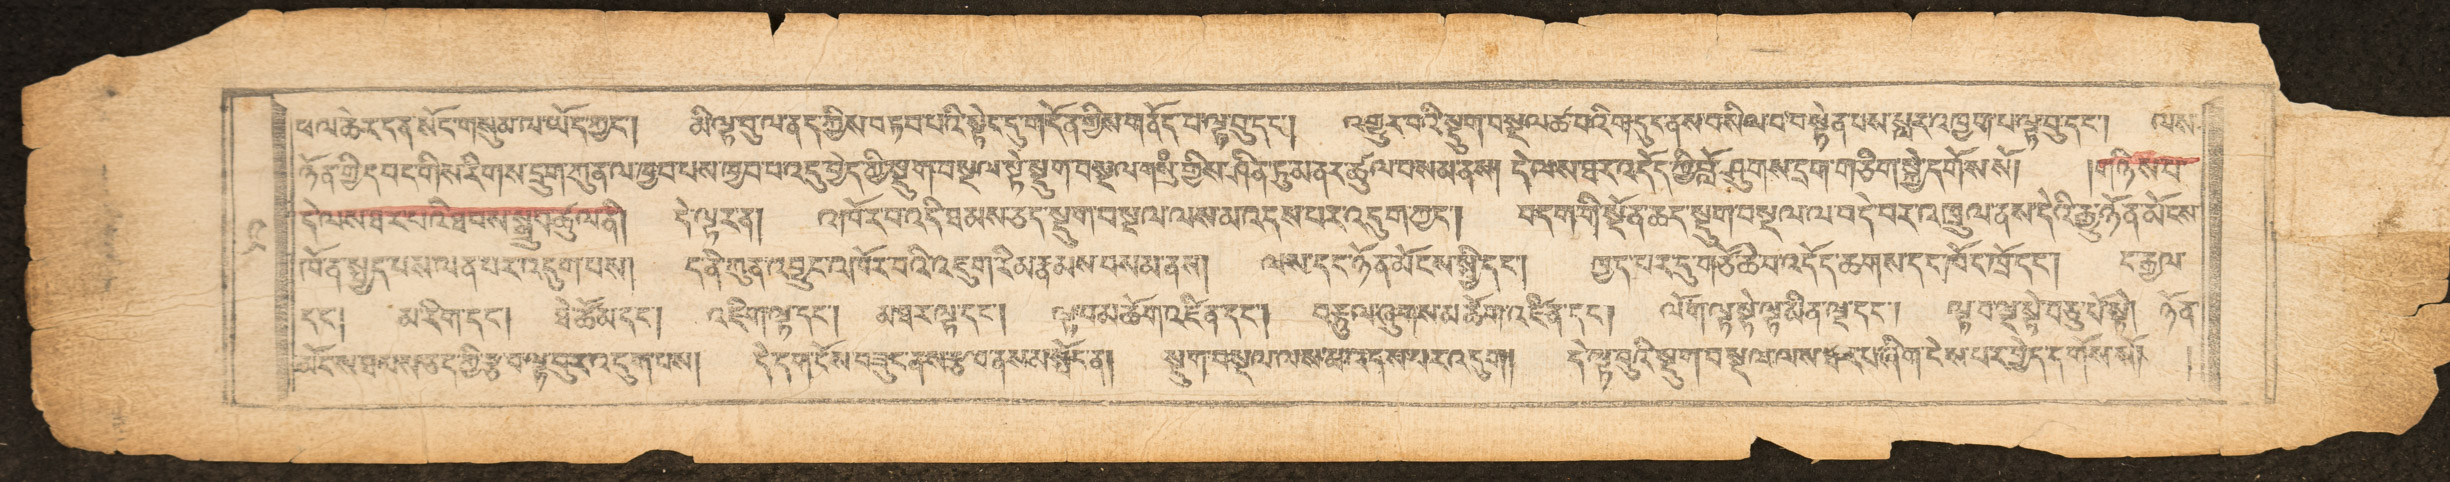ཕལ་ཆེར་ངན་སོང་གསུམ་ལ་ཡོད་ཀྱང་། མི་ལྟ་བུ?་ནད་ཀྱིས་བཏབ་པའི་སྟེང་དུ་གདོན་གྱིས་གནོད་པ་ལྟ་བུ་དང་། འགྱུར་བའི་སྡུག་བསྔལ་ཚ་བའི་གདུང་ནས་བསིལ་བ་བསྟེན་པས་སླར་འཁྱག་པ་ལྟ་བུ་དང་། ལས་
ཉོན་གྱི་དབང་གིས་རིགས་དྲུག་ཀུན་ལ་ཁྱབ་བས་ཁྱབ་པ་འདུ་བྱེད་ཀྱི་སྡུག་བསྔལ་སྟེ་སྡུག་བསྔལ་གསུཾ་གྱིས་ཤིན་ཏུ་མནར་ཚུལ་བསམ་ནས། དེ་ལས་ཐར་འདོད་ཀྱི་བློ་ཤུགས་དྲག་གཅིག་སྐྱེ་དགོས་སོ། །གཉིས་པ་
དེ་ལས་ཐར་པའི་ཐབས་སྒྲུབ་ཚུལ་ནི། དེ་ལྟར་ན། འཁོར་བ་འདི་ཐམས་ཅད་སྡུག་བསྔལ་ལས་མ་འདས་པར་འདུག་ཀྱང་། བདག་གི་སྔོན་ཆད་སྡུག་བསྔལ་ལ་བདེ་བར་འཁྲུལ་ནས་དེའི་རྒྱུ་ཉོན་མོངས་
ཁོ་ན་སྤྱད་པས་ལན་པར་འདུག་པས། ད་ནི་ཀུན་འབྱུང་འཁོར་བའི་འཇུག་རིམ་རྣམས་བསམ་ནས། ལས་དང་ཉོན་མོངས་སྤྱི་དང་། ཁྱད་པར་དུ་གཙོ་ཆེ་བ་འདོད་ཆགས་དང་ཁོང་ཁྲོ་དང་། ང་རྒྱལ་
དང་། མ་རིག་དང་། ཐེ་ཚོམ་དང་། འཇིག་ལྟ་དང་། མཐར་ལྟ་དང་། ལྟ་བ་མཆོག་འཛིན་དང་། བརྟུལ་ཞུགས་མཆོག་འཛིན་དང་། ལོག་ལྟ་སྟེ་ལྟ་མིན་ལྔ་དང་། ལྟ་བ་ལྔ་སྟེ་བཅུ་པོ་སྟེ། ཉོན་
མོངས་ཐམས་ཅད་ཀྱི་རྩ་བ་ལྟ་བུར་འདུག་པས། དེ་དགོངས་བཟུང་ནས་རྩ་བ་ནས་མ་སྤོང་ན། སྡུག་བསྔལ་ལས་མ་འདས་པར་འདུག། དེ་ལྟ་བུའི་སྡུག་བསྔལ་ལས་ཐར་པ་ཞིག་ངེས་པར་བྱེད་དགོས་སོ། །